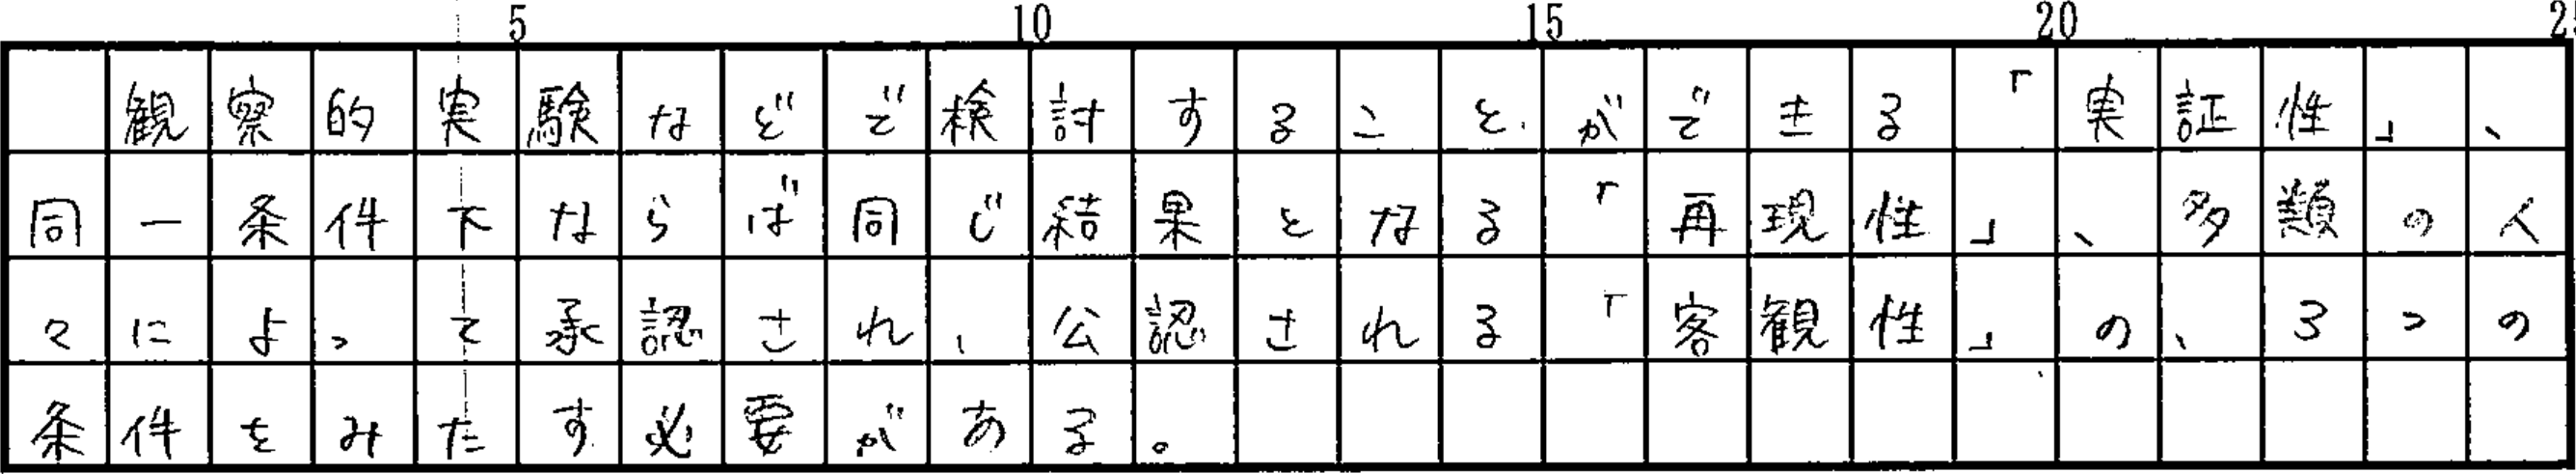　観察的実験などで検討することができる「実証性」、同一条件下ならば同じ結果となる「再現性」、多類の人々によって承認され、公認される「客観性」の、３つの条件をみたす必要がある。
